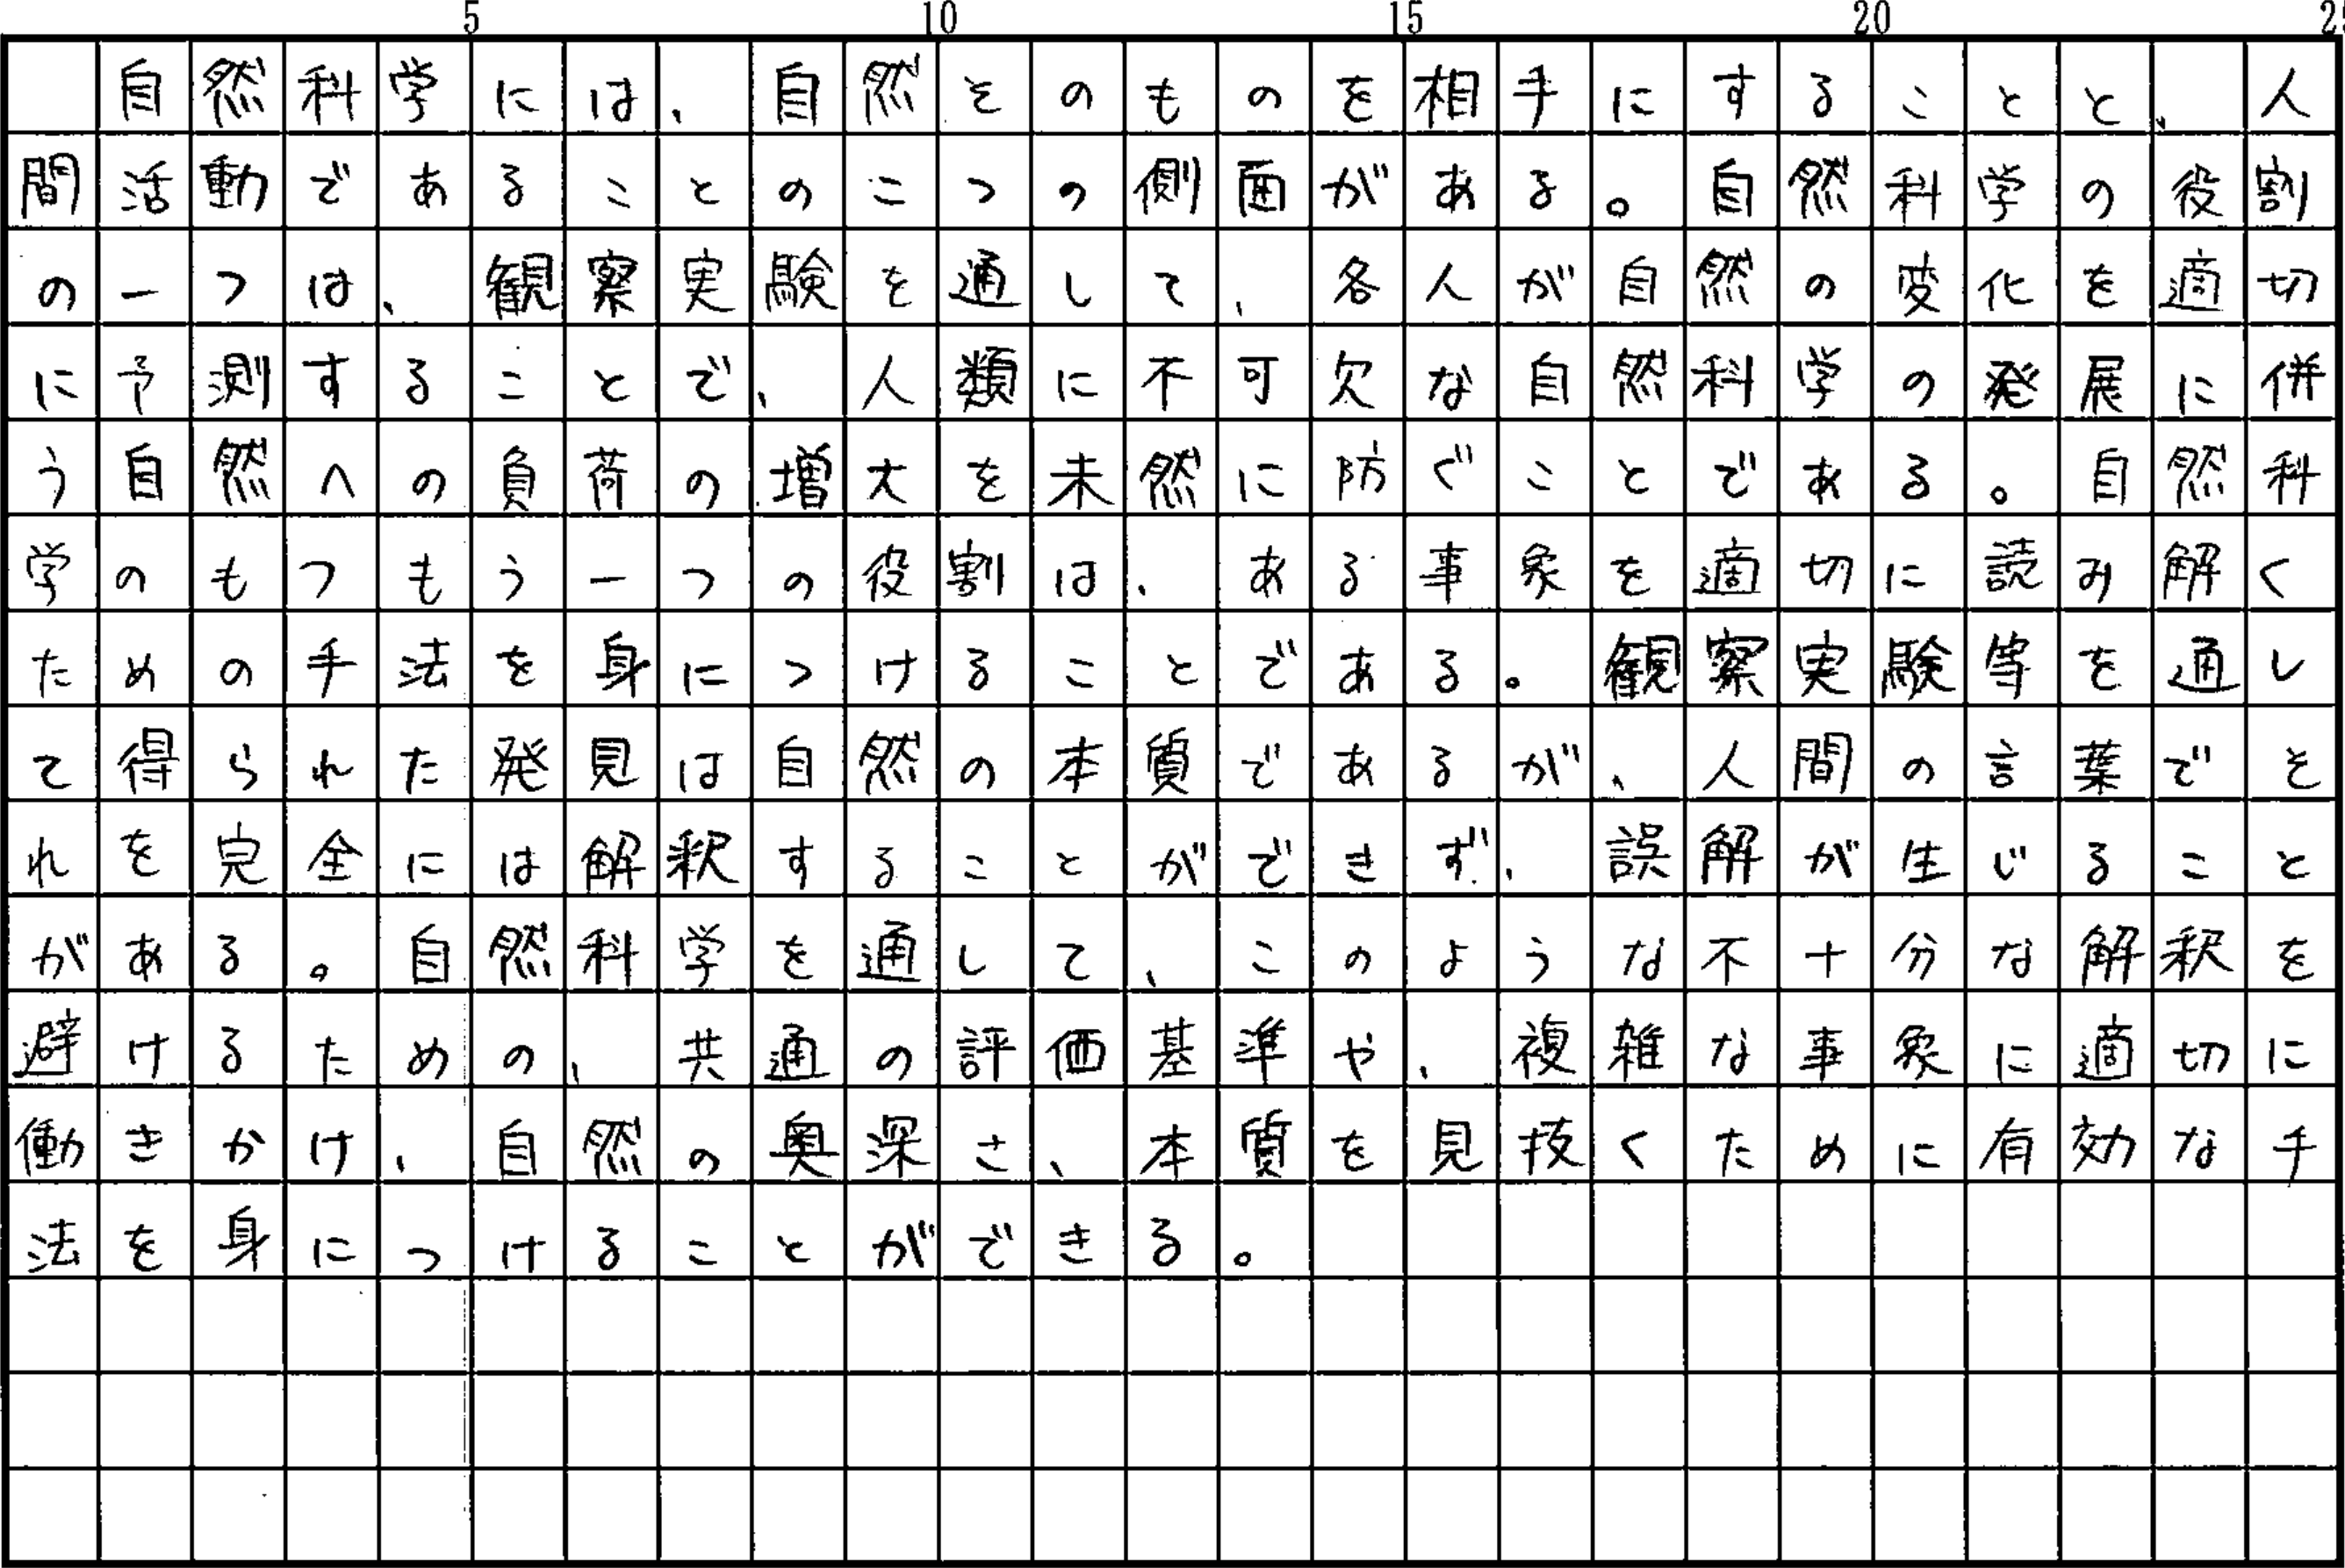　自然科学には、自然そのものを相手にすることと、人間活動であることの二つの側面がある。自然科学の役割の一つは、観察実験を通して、各人が自然の変化を適切に予測することで、人類に不可欠な自然科学の発展に併う自然への負荷の増大を未然に防ぐことである。自然科学のもつもう一つの役割は、ある事象を適切に読み解くための手法を身につけることである。観察実験等を通して得られた発見は自然の本質であるが、人間の言葉でそれを完全には解釈することができず、誤解が生じることがある。自然科学を通して、このような不十分な解釈を避けるための、共通の評価基準や、複雑な事象に適切に働きかけ、自然の奥深さ、本質を見抜くために有効な手法を身につけることができる。
